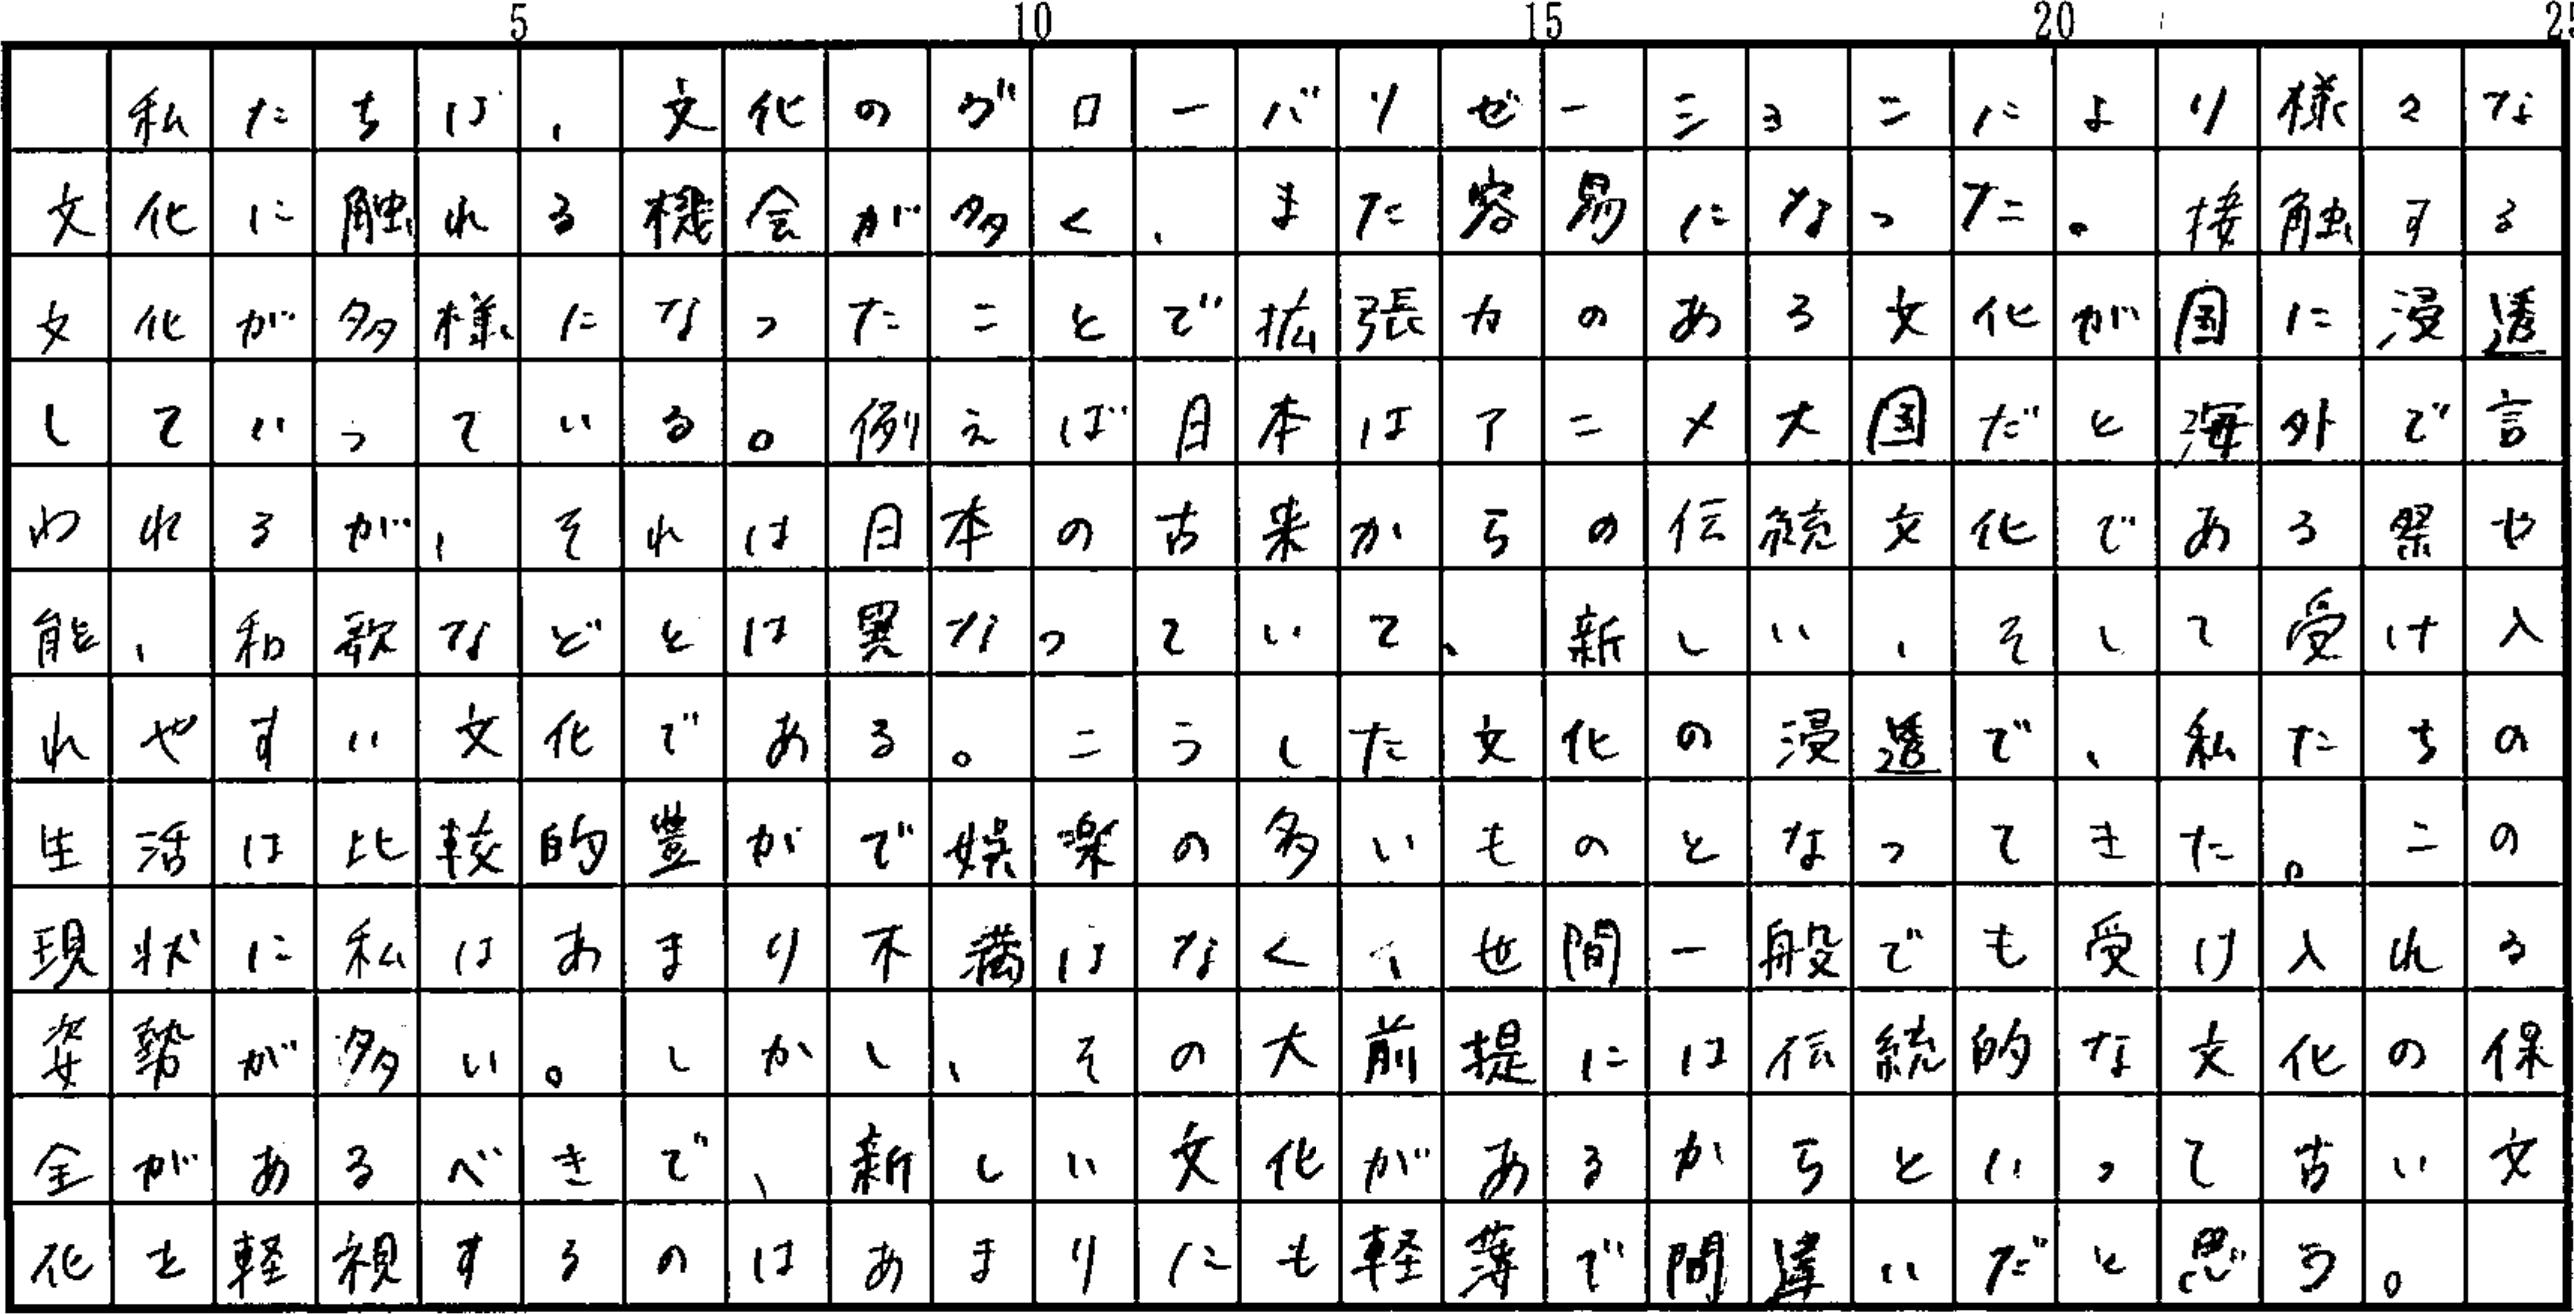　私たちは、文化のグローバリゼーションにより様々な文化に触れる機会が多く、また容易になった。接触する文化が多様になったことで拡張力のある文化が国に浸透していっている。例えば日本はアニメ大国だと海外で言われるが、それは日本の古来からの伝統文化である祭や能、和歌などとは異なっていて、新しい、そして受け入れやすい文化である。こうした文化の浸透で、私たちの生活は比較的豊かで娯楽の多いものとなってきた。この現状に私はあまり不満はなく、世間一般でも受け入れる姿勢が多い。しかし、その大前提には伝統的な文化の保全があるべきで、新しい文化があるからといって古い文化を軽視するのはあまりにも軽薄で間違いだと思う。
